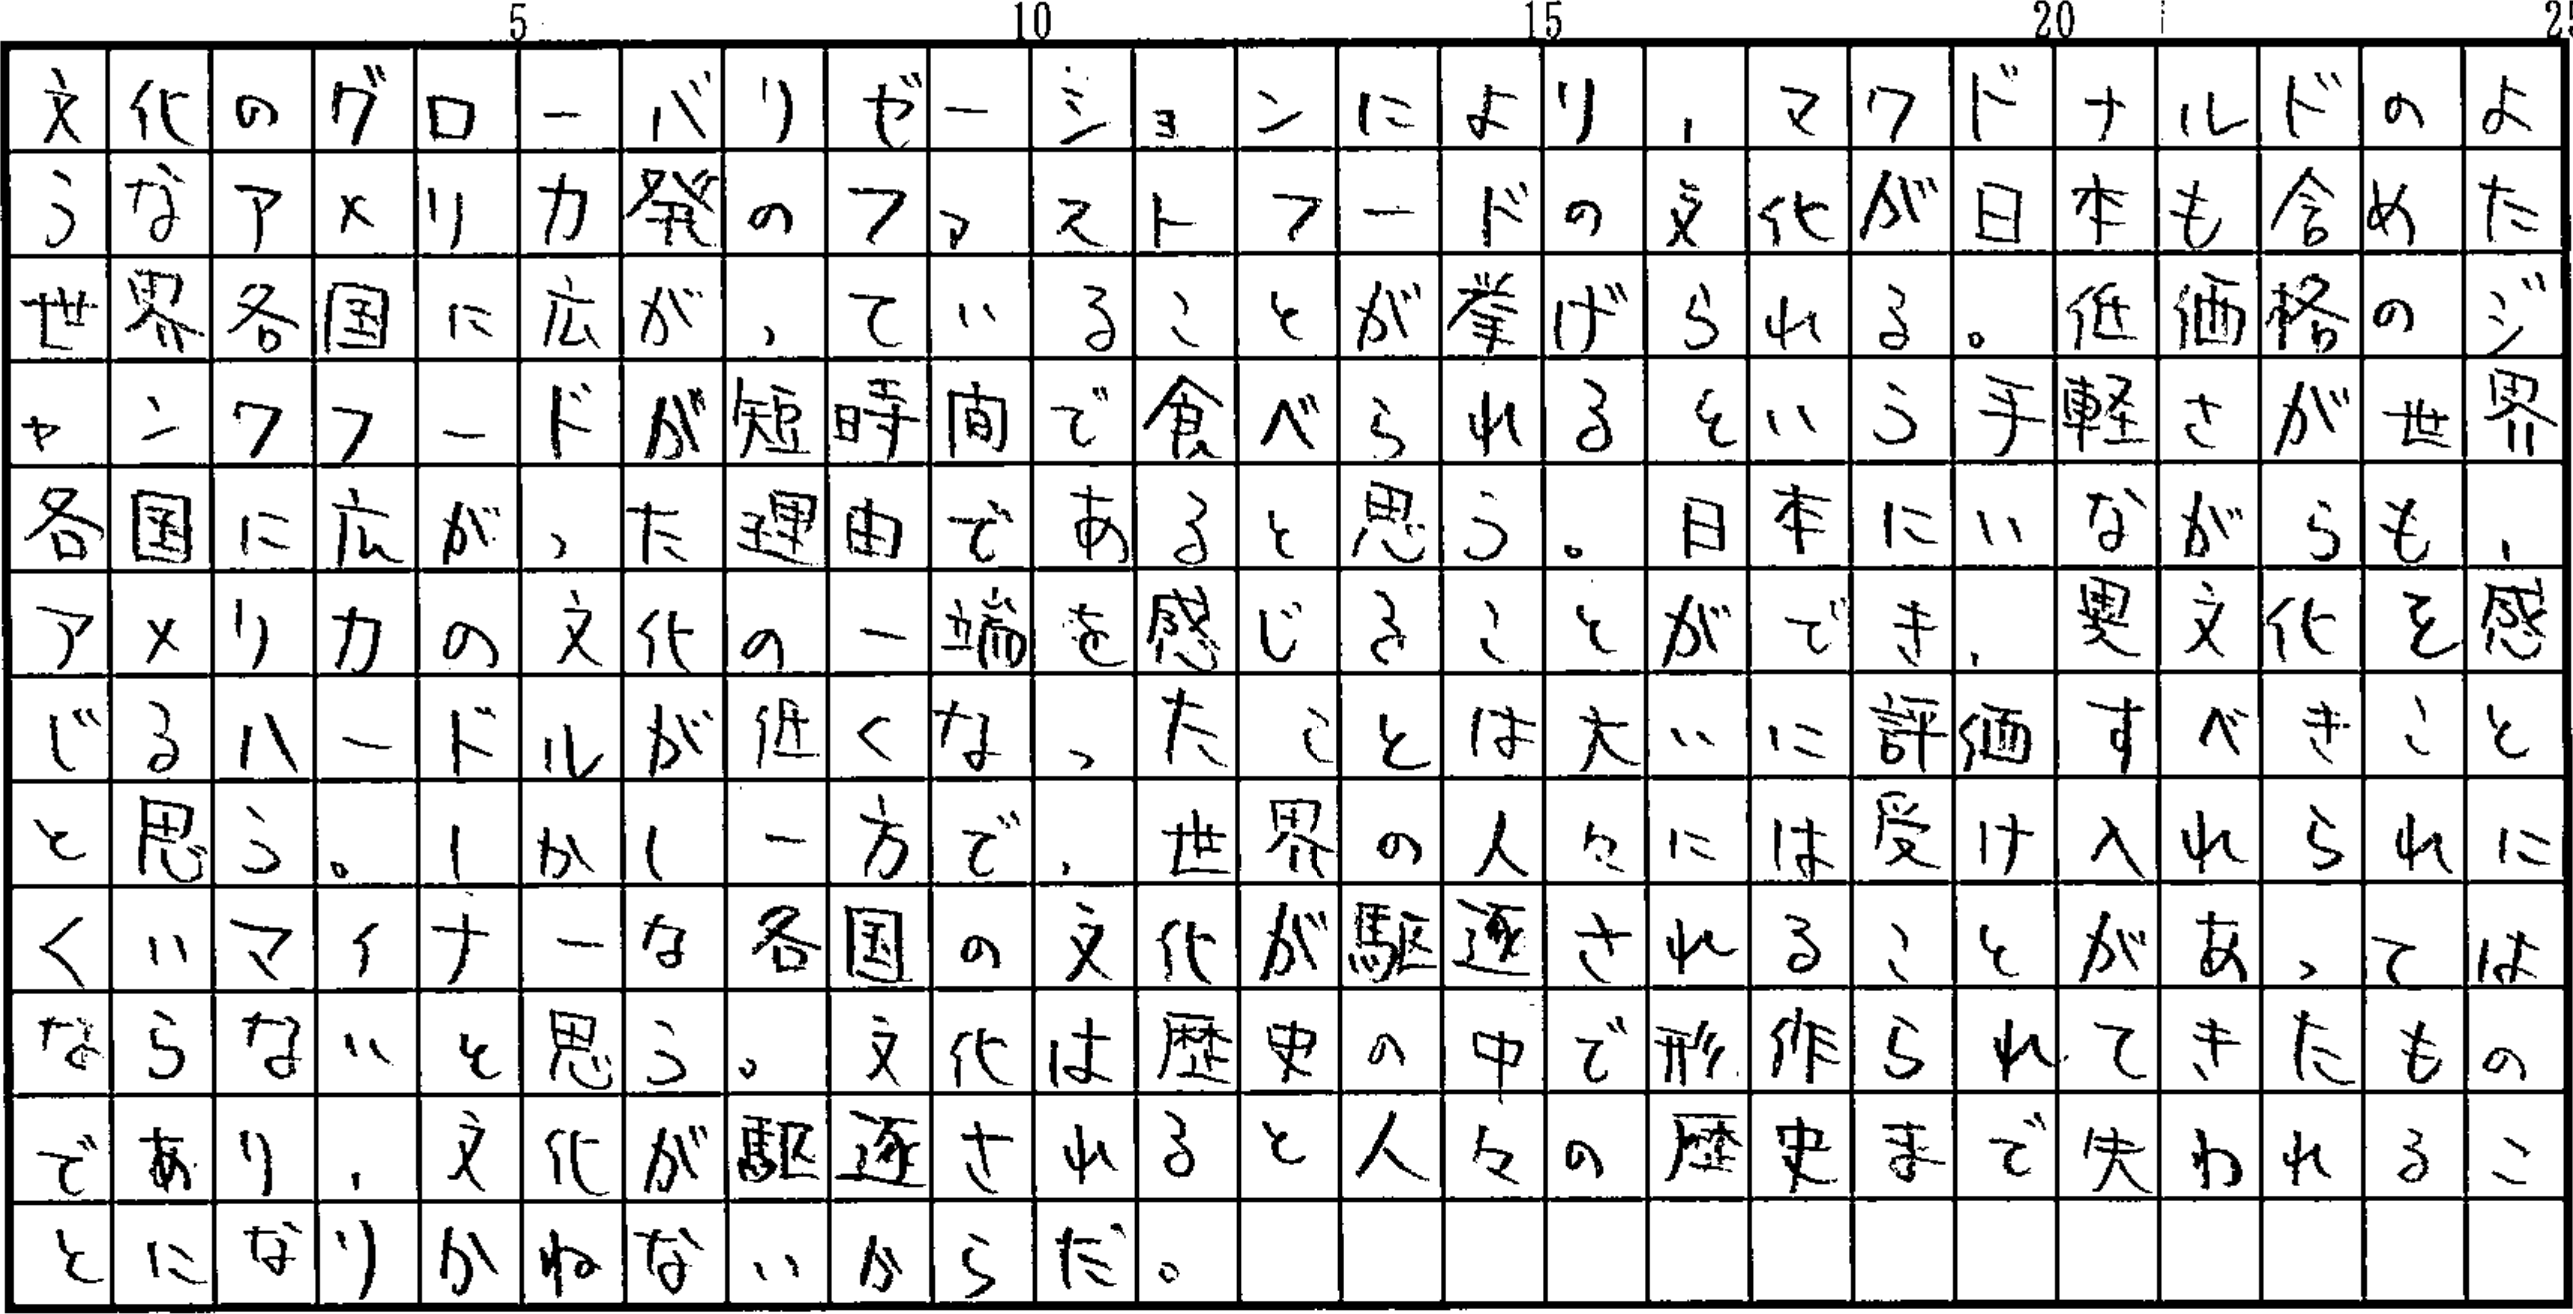文化のグローバリゼーションにより、マクドナルドのようなアメリカ発のファストフードの文化が日本も含めた世界各国に広がっていることが挙げられる。低価格のジャンクフードが短時間で食べられるという手軽さが世界各国に広がった理由であると思う。日本にいながらも、アメリカの文化の一端を感じることができ、異文化を感じるハードルが低くなったことは大いに評価すべきことと思う。しかし一方で、世界の人々には受け入れられにくいマイナーな各国の文化が駆逐されることがあってはならないと思う。文化は歴史の中で形作られてきたものであり、文化が駆逐されると人々の歴史まで失われることになりかねないからだ。
